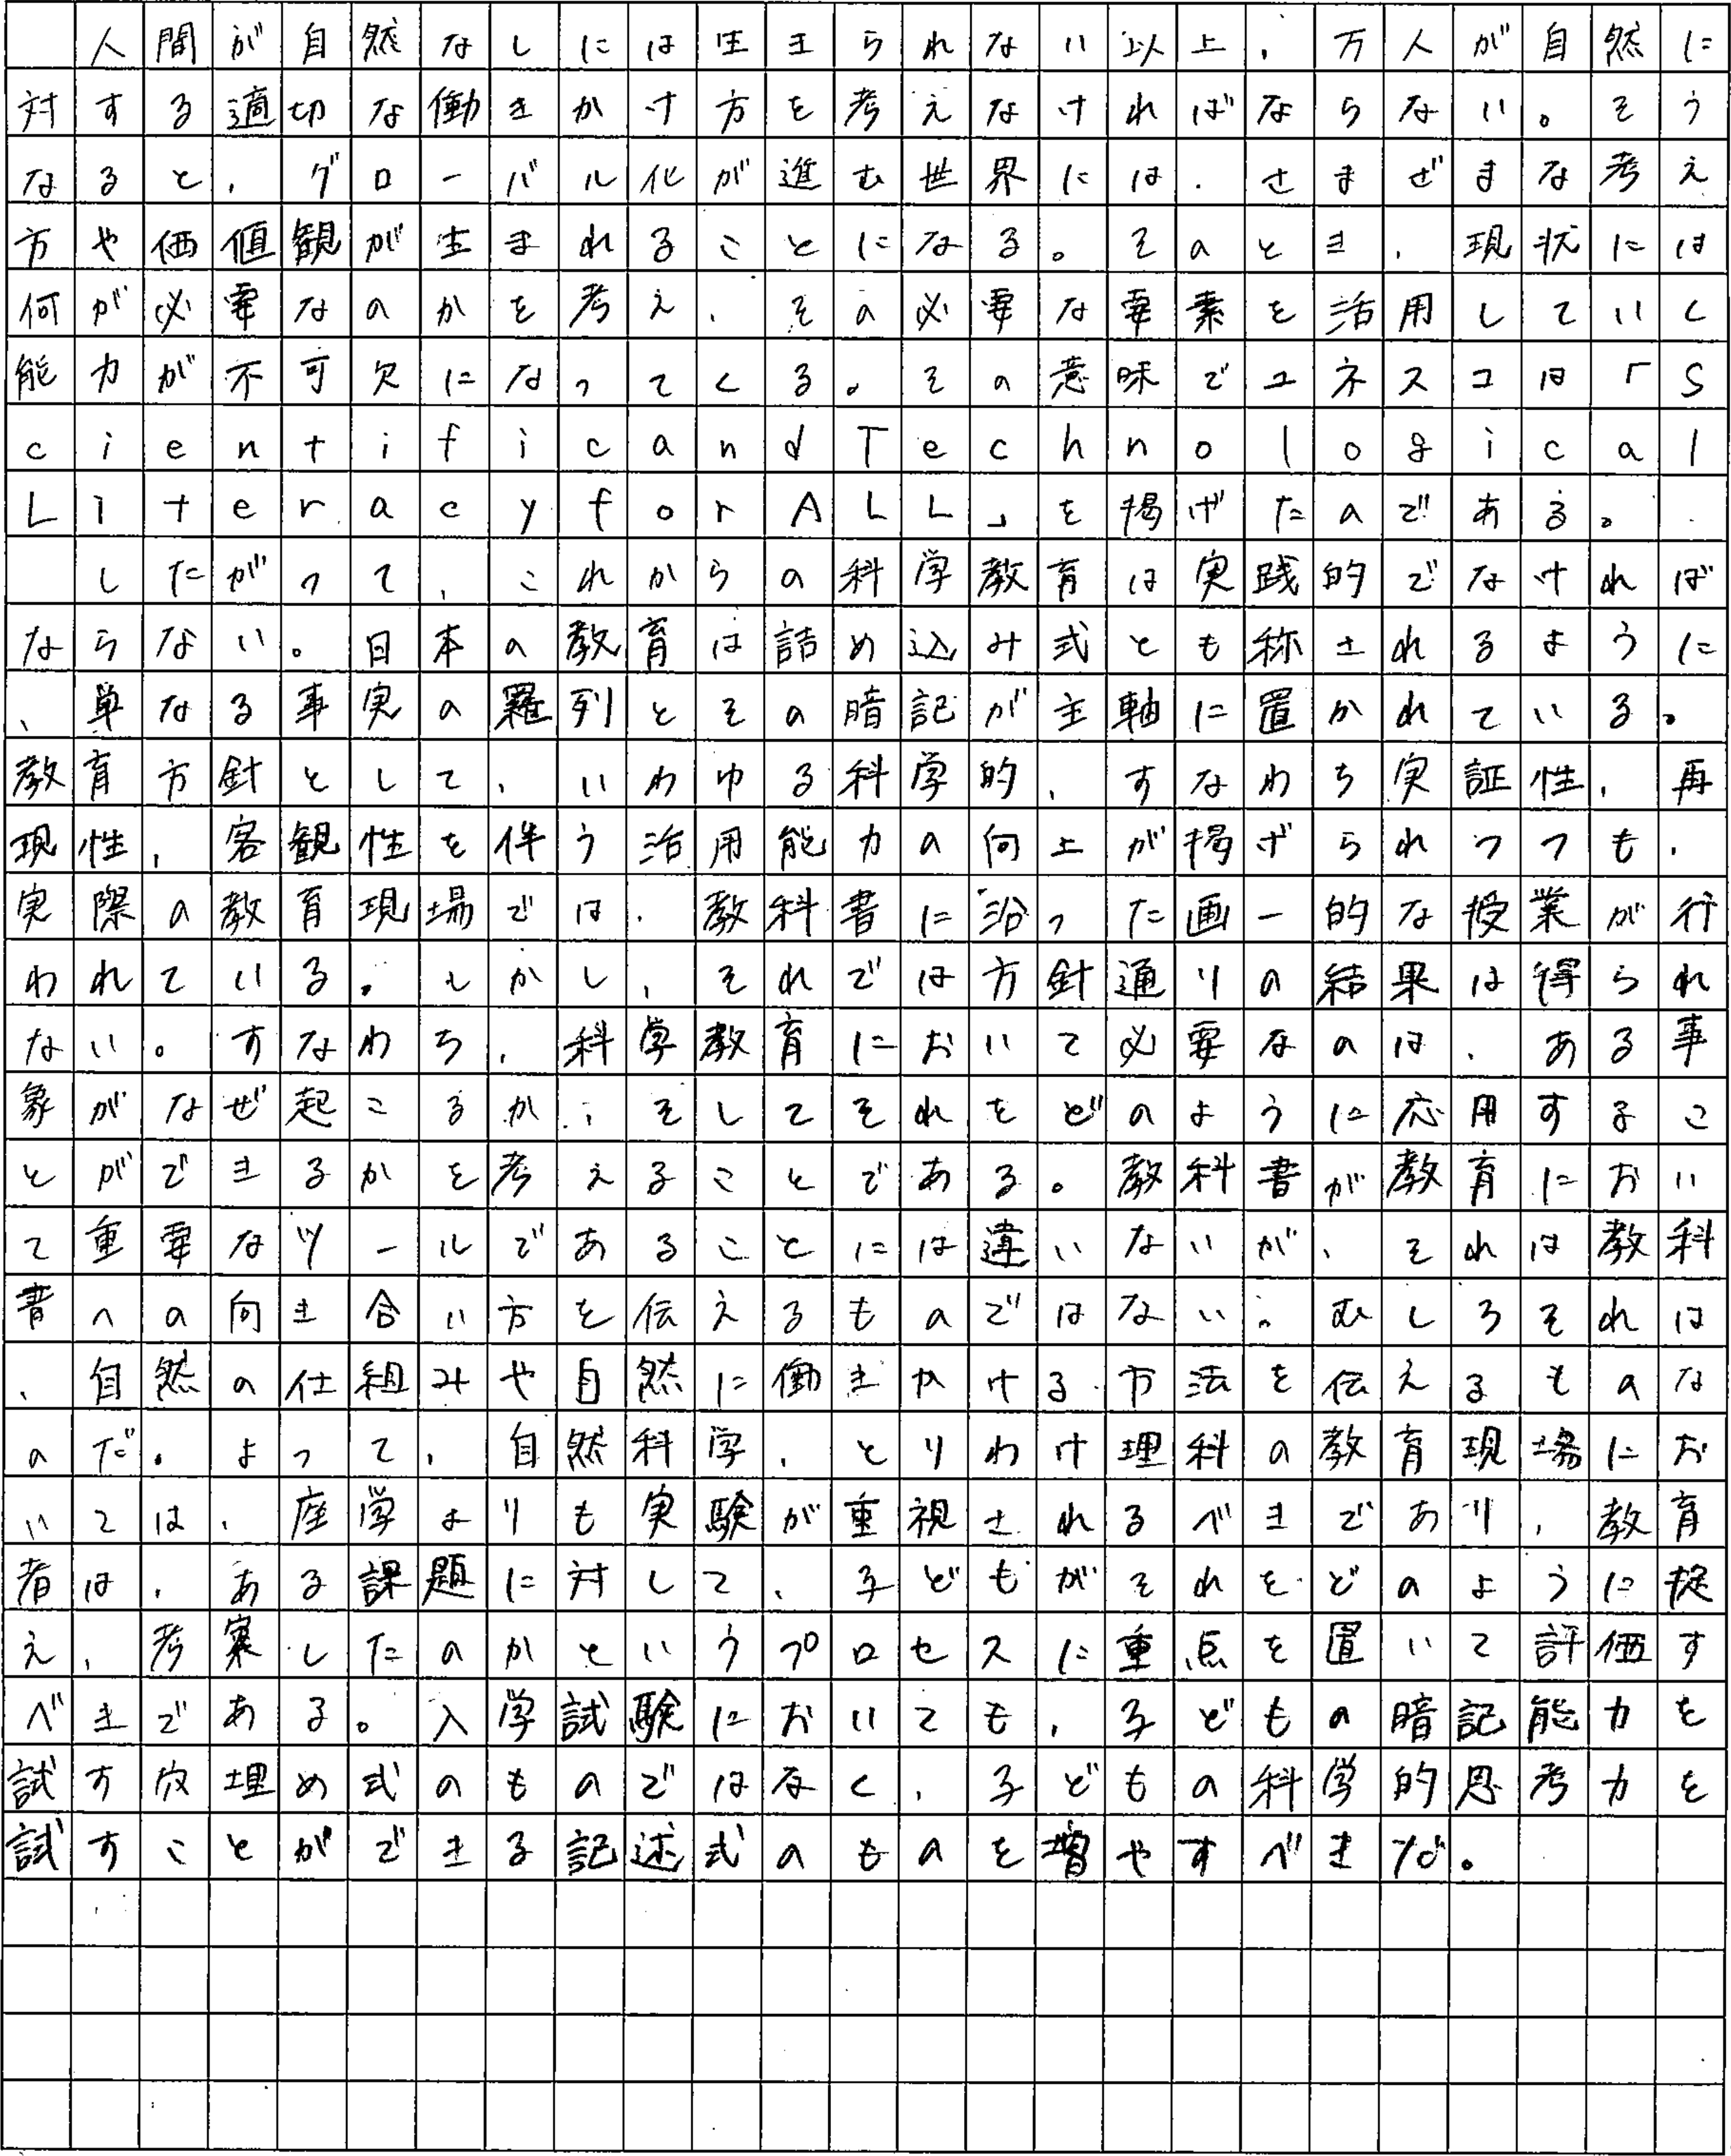　人間が自然なしには生きられない以上、万人が自然に対する適切な働きかけ方を考えなければならない。そうなると、グローバル化が進む世界には、さまざまな考え方や価値観が生まれることになる。そのとき、現状には何が必要なのかを考え、その必要な要素を活用していく能力が不可欠になってくる。その意味でユネスコは「ＳｃｉｅｎｔｉｆｉｃａｎｄＴｅｃｈｎｏｌｏｇｉｃａｌＬｉｔｅｒａｃｙｆｏｒＡｌｌ」を掲げたのである。
　したがって、これからの科学教育は実践的でなければならない。日本の教育は詰め込み式とも称されるように、単なる事実の羅列とその暗記が主軸に置かれている。教育方針として、いわゆる科学的、すなわち実証性、再現性、客観性を伴う活用能力の向上が掲げられつつも、実際の教育現場では、教科書に沿った画一的な授業が行われている。しかし、それでは方針通りの結果は得られない。すなわち、科学教育において必要なのは、ある事象がなぜ起こるか、そしてそれをどのように応用することができるかを考えることである。教科書が教育において重要なツールであることには違いないが、それは教科書への向き合い方を伝えるものではない。むしらそれは、自然の仕組みや自然に働きかける方法を伝えるものなのだ。よって、自然科学、とりわけ理科の教育現場においては、座学よりも実験が重視されるべきであり、教育者は、ある課題に対して、子どもがそれをどのように捉え、考案したのかというプロセスに重点を置いて評価すべきである。入学試験においても、子どもの暗記能力を試す穴埋め式のものではなく、子どもの科学的思考力を試すことができる記述式のものを増やすべきだ。
